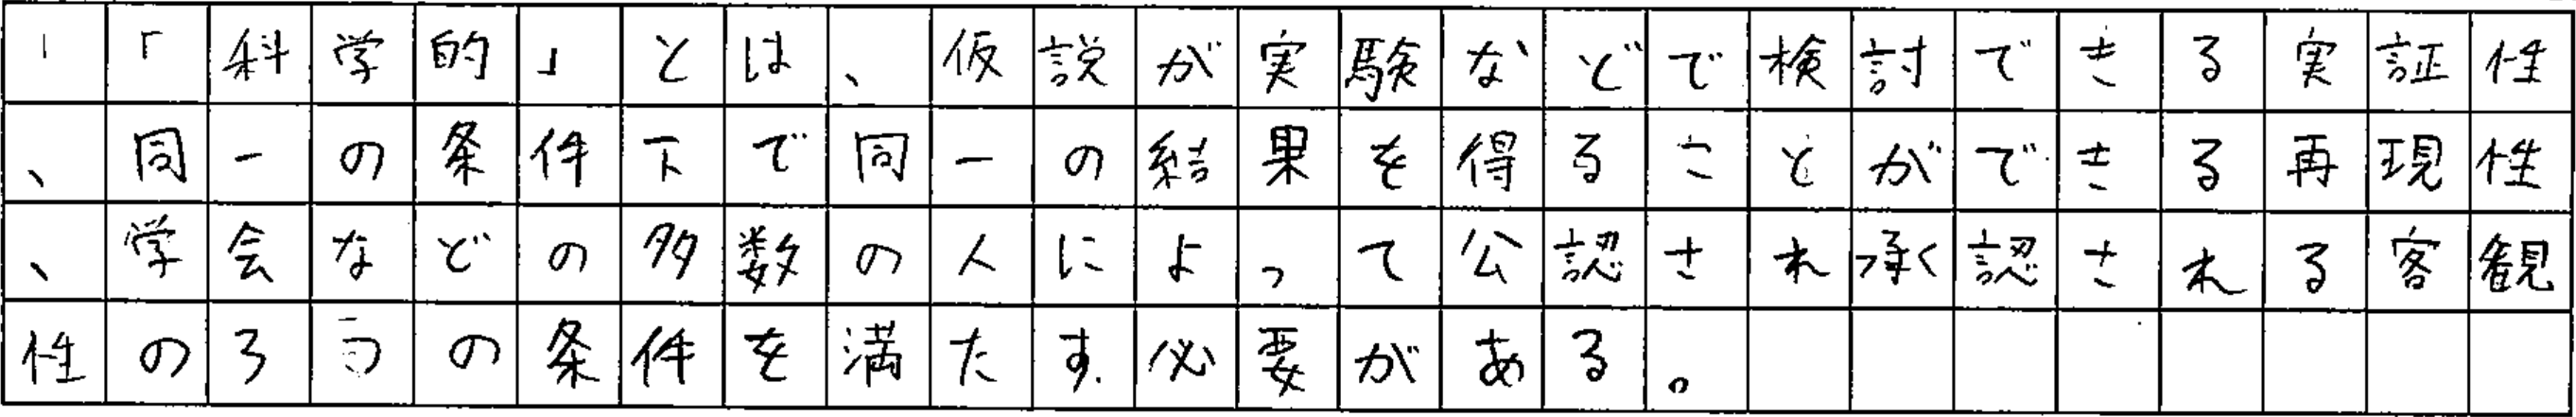　「科学的」とは、仮説が実験などで検討できる実証性、同一の条件下で同一の結果を得ることができる再現性、学会などの多数の人によって公認され承認される客観性の３つの条件を満たす必要がある。
